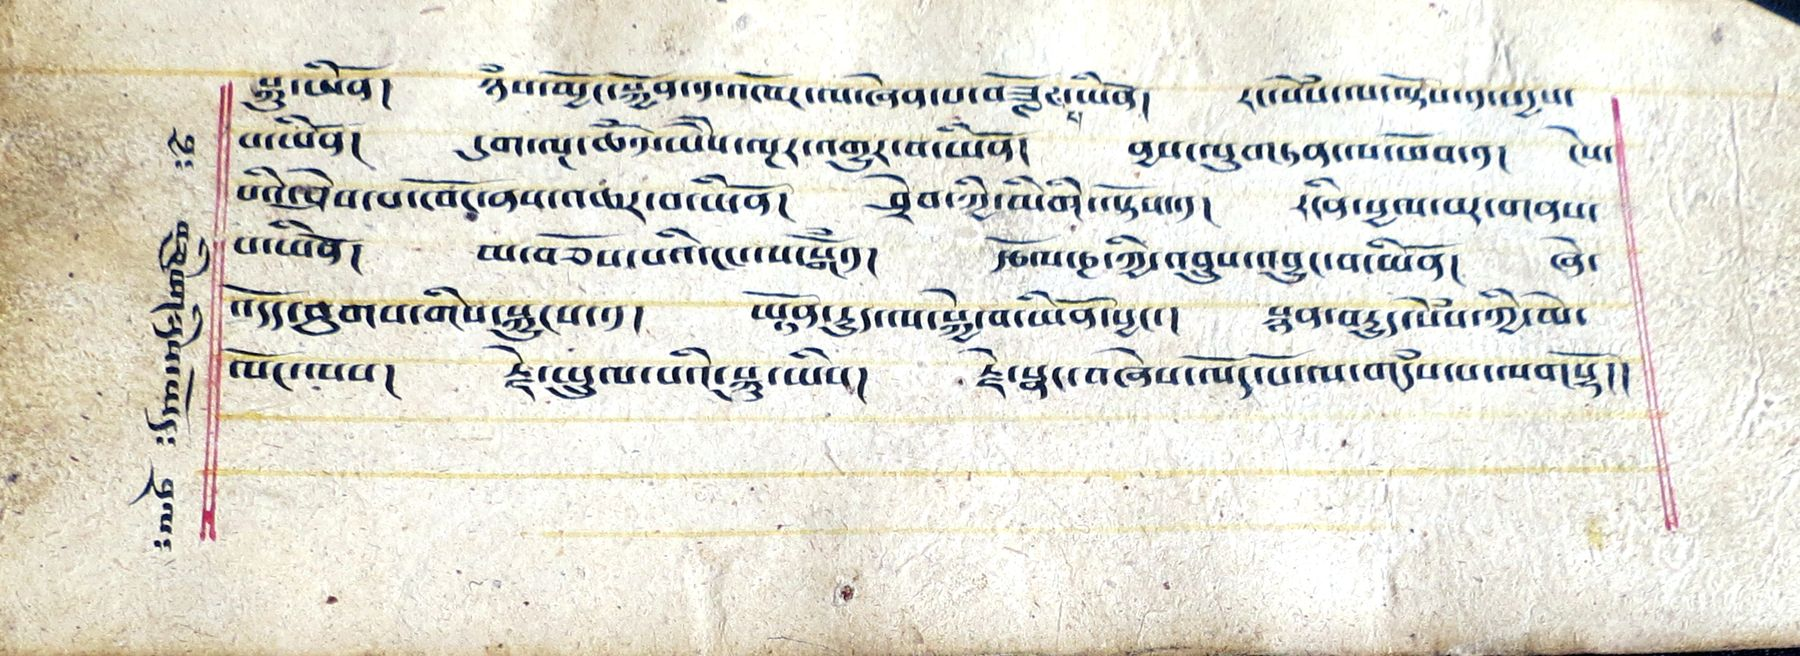སྐུ་ཡིན་ནོ། །ཉམས་མྱོང་སྐྱོངས་ཤིག འཁོར་བ་ལ་ཞེན་པ་ཟློག་པ་ཡིན་ནོ། །རང་སེམས་ལ་ལྟོས་ཤིག སངས་རྒྱས་
པ་ཡིན་ནོ། །དུག་ལྔ་ཆོམས་ཤིག ཡེ་ཤེས་ལྔར་འགྱུར་བ་ཡིན་ནོ། །གནས་ལུགས་གཏན་ལ་ཕོབས་ཤིག ངེས་
པའི་ཤེས་པ་ཁོང་ནས་འཆར་བ་ཡིན་ནོ། །ཤེས་རབ་ཀྱི་མིག་གིས་ལྟོས་ཤིག རང་བཞིན་གསལ་བར་གནས་
པ་ཡིན་ནོ། །མ་བཅོས་པའི་ངང་ལ་སྒོམས་ཤིག རྩོལ་མེད་ཀྱི་འབྲས་བུ་འབྱུང་བ་ཡིན་ནོ། །ཞེ་
འདོད་ཤུགས་ཀྱིས་སྐྱུངས་ཤིག ཡོན་ཏན་རྒྱུད་ལས་སྐྱེ་བ་ཡིན་ནོ་གསུངས། སྙན་རྒྱུད་སེམས་ཀྱི་མེ་
ལོང་ལས། རྗེ་སྤྲུལ་པའི་སྐུ་ཡིས། རྗེ་སྣང་བཞེར་ལོད་པོ་ལ་གདམས་པ་རྫོགས་སོ། །